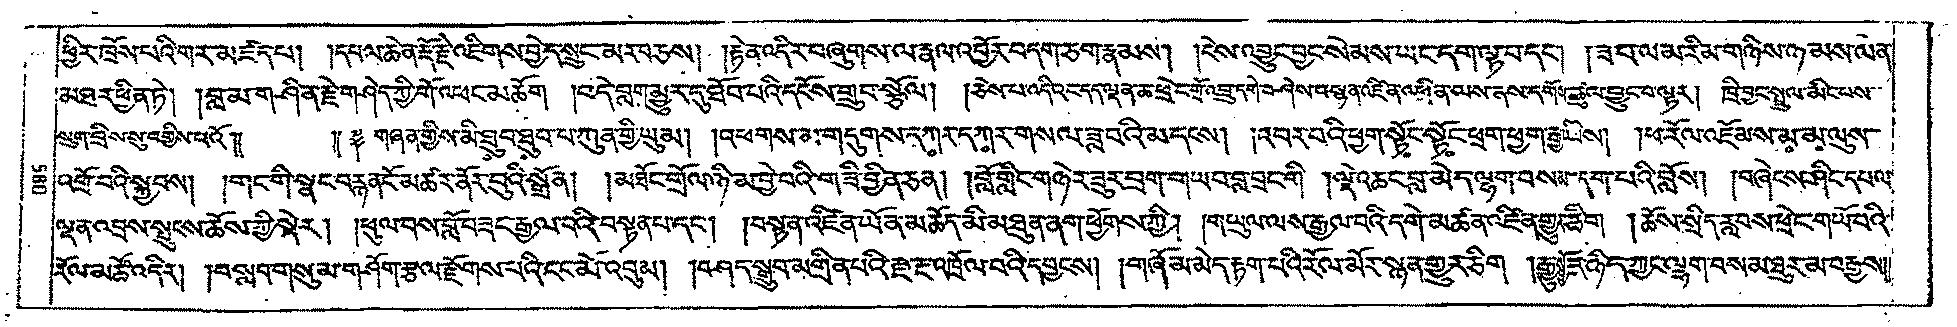ཕྱིར་ཁྲོས་པའི་གར་མཛད་པ། །དཔལ་ཆེན་རྡོ་རྗེ་འཇིགས་བྱེད་སྲུང་མར་བཅས། །རྟེན་འདིར་བཞུགས་ལ་རྣལ་འབྱོར་བདག་ཅག་རྣམས། །ངེས་འབྱུང་བྱང་སེམས་ཡང་དག་ལྟ་བ་དང་། །ཟབ་ལམ་རིམ་གཉིས་ཉམས་ལེན་
མཐར་ཕྱིན་ཏེ། །བླ་མ་གཤིན་རྗེ་གཤེད་ཀྱི་གོ་འཕང་མཆོག །བདེ་བླག་མྱུར་དུ་ཐོབ་པའི་དངོས་གྲུབ་སྩོལ། །ཅེས་པ་འདིའང་དད་ལྡན་ཆ་ཕྲེང་གྲོ་འབྲུ་དགེ་བཤེས་བསྟན་འཛིན་འཕྲིན་ལས་ནས་དགོས་ཚུལ་བྱུང་བ་ལྟར། ཁྲི་བྱང་སྤྲུལ་མིང་པས་
སུག་བྲིས་སུ་བགྱིས་པའོ།། །། ༈ གཞན་གྱིས་མི་ཐུབ྾་ཐུབ྾་པ་ཀུན་གྱི་ཡུམ། །འཕགས་མ་གདུགས་དཀར྾་དཀར྾་གསལ་ཟླ་བའི་མདངས། །འབར་བའི་ཕྱག་སྟོང྾་སྟོང྾་ཕྲག་ཕྱག་རྒྱ་ཡིས། །ཕ་རོལ་འཇོམས་མ྾་མ྾་ལུས་
འགྲོ་བའི་སྐྱབས། །གང་གི་སྣང་བརྙན་ངོ་མཚར་ནོར་བུའི་སྒྲོན། །མཐོང་གྲོལ་ཉི་མ་བྱེ་བའི་གཟི་བྱིན་ཅན། །བློ་གླིང་གཉེར་ཟུར་བྲག་གཡབ་བླ་བྲང་གི །ལྡེ་འཆང་བླ་མེད་ལྷག་བསམ་དག་པའི་བློས། །བཞེངས་ཤིང་དཔལ་
ལྡན་འབྲས་སྤུངས་ཆོས་ཀྱི་སྡེར། །ཕུལ་བས་བློ་བཟང་རྒྱལ་བའི་བསྟན་པ་དང་། །བསྟན་འཛིན་ཡོན་མཆོད་མི་མཐུན་ནག་ཕྱོགས་ཀྱི། །གཡུལ་ལས་རྒྱལ་བའི་དགེ་མཚན་འཛིན་གྱུར་ཅིག །ཆོས་སྲིད་རླབས་ཕྲེང་གཡོ་བའི་
རོལ་མཚོ་འདིར། །བསླབ་གསུམ་གཤོག་རྩལ་རྫོགས་པའི་ངང་མོ་འབུམ། །བཤད་སྒྲུབ་མགྲིན་པའི་རྫ་རྔ་འཁྲོལ་བའི་དབྱངས། །གཞོམ་མེད་རྟག་པའི་རོལ་མོར་སྙན་གྱུར་ཅིག །རྒྱུ་སྦྱོར་ཉིད་རྐྱང་ལྷག་བསམ་ཐུར་མ་བརྒྱས། །